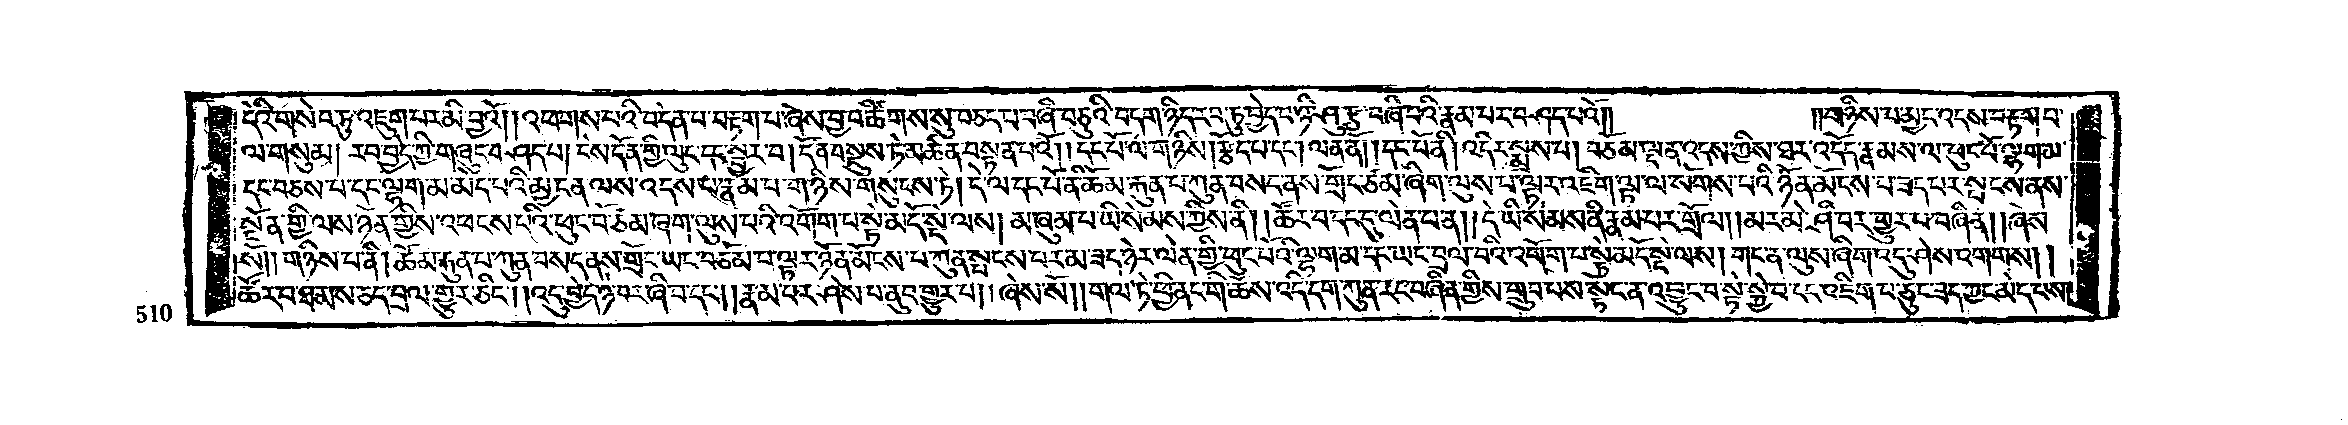དེའི་གསེབ་ཏུ་འཇུག་པར་མི་བྱའོ། །འཕགས་པའི་བདེན་པ་བརྟག་པ་ཞེས་བྱ་བ་ཚིགས་སུ་བཅད་པ་བཞི་བཅུའི་བདག་ཉིད་རབ་ཏུ་བྱེད་པ་ཉི་ཤུ་རྩ་བཞི་པའི་རྣམ་པར་བཤད་པའོ།། །།གཉིས་པ་མྱང་འདས་བརྟག་པ་
ལ་གསུམ། རབ་བྱེད་ཀྱི་གཞུང་བཤད་པ། དེས་དོན་གྱི་ལུང་དང་སྦྱར་བ། དོན་བསྡུས་ཏེ་མཚན་བསྟན་པའོ། །དང་པོ་ལ་གཉིས། །རྩོད་པ་དང་། ལན་ནི། །དང་པོ་ནི། འདིར་སྨྲས་པ། བཅོམ་ལྡན་འདས་ཀྱིས་ཐར་འདོད་རྣམས་ལ་ཕུང་པོ་ལྷག་མ་
དང་བཅས་པ་དང་ལྷག་མ་མེད་པའི་མྱ་ངན་ལས་འདས་པ་རྣམ་པ་གཉིས་གསུངས་ཏེ། དེ་ལ་དང་པོ་ནི་ཆོམ་རྐུ་ནྤ་ཀུན་བསང་ནས་གྲོང་ཙམ་ཞིག་ལུས་པ་ལྟར་འཇིག་ལྟ་ལ་སོགས་པའི་ཉོན་མོངས་པ་ཟད་པར་སྤངས་ནས་
སྤྱོན་གྱི་ལས་ཉོན་གྱིས་འཕངས་པའི་ཕུང་པོ་ཙམ་ཞིག་ལུས་པའི་འགོག་པ་སྟེ་མདོ་སྡེ་ལས། མ་ཞུམ་པ་ཡི་སེམས་ཀྱིས་ནི། །ཚོར་བ་དང་དུ་ལེན་པ་ན། །དེ་ཡི་སེམས་ནི་རྣམ་པར་གྲོལ། །མར་མེ་ཤི་བར་གྱུར་པ་བཞིན། །ཞེས་
སོ། གཉིས་པ་ནི། ཆོམ་རྐུན་པ་ཀུན་བསད་ནས་གྲོང་ཡང་བཅོམ་པ་ལྟར་ཉོན་མོངས་པ་ཀུན་སྤངས་པར་མ་ཟད་ཉེར་ལེན་གྱི་ཕུང་པོའི་ལྷག་མ་དང་ཡང་བྲལ་བའི་འགོག་པ་སྟེ་མདོ་དེ་ལས། གང་ན་ལུས་ཞིག་འདུ་ཤེས་འགགས། །
ཚེར་བ་ཐམས་ཅད་བྲལ་གྱུར་ཅིང་། །འདུ་བྱེད་ཉེ་བར་ཞི་བ་དང་། །རྣམ་པར་ཤེས་པ་ནུབ་གྱུར་པ། །ཞེས་སོ། །གལ་ཏེ་ཕྱི་ནང་གི་ཆོས་འདི་དག་ཀུན་རང་བཞིན་གྱིས་གྲུབ་པས་སྟོང་ན་འབྱུང་བ་སྟེ་སྐྱེ་བ་དང་འཇིག་པ་ཅུང་ཟད་ཀྱང་མེད་པས་